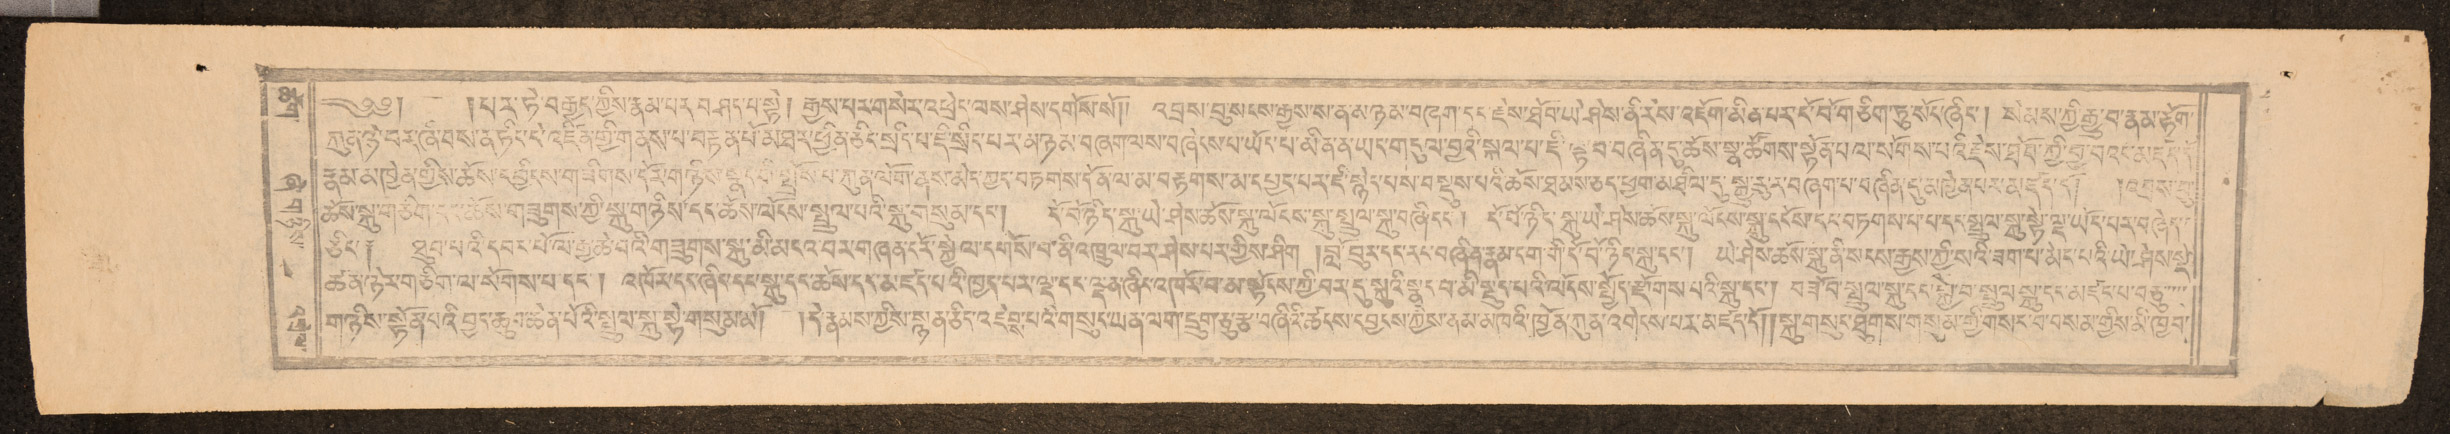༄༅། །པར་ཏེ་བརྒྱད་ཀྱིས་རྣམ་པར་བཤད་པ་སྟེ། རྒྱས་པར་གསེར་འཕྲེད་ལས་ཤེས་དགོས་སོ།། འབྲས་བུ་སངས་རྒྱས་ས་ན་མཉམ་བཞག་དང་རྗེས་ཐོབ་ཡེ་ཤེས་ནི་རེས་འཇོག་མིན་པར་ངོ་བོ་གཅིག་ཏུ་སོང་ཞིང་། སེམས་ཀྱི་རྒྱུ་བ་རྣམ་རྟོག་
ཀུན་ཉེ་བར་ཞི་བས་ན་ཏིང་ངེ་འཛིན་གྱི་གནས་པ་བརྟན་པོ་མཐར་ཕྱིན་ཅིང་སྲིད་པ་ཇི་སྲིད་པར་མཉམ་བཞག་ལས་བཞེངས་པ་ཡོད་པ་མིན་ན་ཡང་གདུལ་བྱའི་སྐལ་པ་ཇི་ལྟ་བ་བཞིན་དུ་ཆོས་སྣ་ཚོགས་སྟོན་པ་ལ་སོགས་པའི་རྗེས་ཐོབ་ཀྱི་བྱ་བའང་མཛད་དོ་
རྣམ་མཁྱེན་གྱིས་ཆོས་དབྱིངས་གཟིགས་དོར་གཉིས་སྣང་གི་སྤྲོས་པ་ཀུན་ལོག་ནས་མེད་ཀྱང་བཏགས་དོན་ལ་མ་བརྟགས་མ་དཔྱད་པར་ཇི་སྙེད་པས་བསྡུས་པའི་ཆོས་ཐམས་ཅད་ཕྱག་མཐིལ་དུ་སྐྱུ་རུ་ར་བཞག་པ་བཞིན་དུ་མཁྱེན་པར་མཛད་དོ། །འབྲས་བུ་
ཆོས་སྐུ་གཅིག་དང་ཆོས་གཟུགས་ཀྱི་སྐུ་གཉིས་དང་ཆོས་ལོངས་སྤྲུལ་པའི་སྐུ་གསུམ་དང་། ངོ་བོ་ཉིད་སྐུ་ཡེ་ཤེས་ཆོས་སྐུ་ལོངས་སྐུ་སྤྲུལ་སྐུ་བཞི་དང་། ངོ་བོ་ཉིད་སྐུ་ཡེ་ཤེས་ཆོས་སྐུ་ལོངས་སྐུ་དངོས་དང་བཏགས་པ་དང་སྤྲུལ་སྐུ་སྟེ་ལྔ་ཡོད་པར་བཞེད་
ཅིང༑ ཐུབ་པའི་དབང་པོ་ལ་རྒྱ་ཆེ་བའི་གཟུགས་སྐུ་མི་མངའ་བར་གཞན་ངོར་སྐྱེལ་དགོས་པ་ནི་འཁྲུལ་བར་ཤེས་པར་གྱིས་ཤིག །བློ་བུར་དང་རང་བཞིན་རྣམ་དག་གི་ངོ་བོ་ཉིད་སྐུ་དང་། ཡེ་ཤེས་ཆོས་སྐུ་ནི་སངས་རྒྱས་ཀྱི་སའི་ཟག་པ་མེད་པའི་ཡེ་ཤེས་སྡེ་
ཚན་ཉེར་གཅིག་ལ་སོགས་པ་དང་། འཁོར་དང་ཞིང་དང་སྐུ་དང་ཆོས་དང་མཛད་པའི་ཁྱད་པར་ལྔ་དང་ལྡན་ཞིང་འཁོར་བ་མ་སྟོངས་ཀྱི་བར་དུ་སྐུའི་སྣང་བ་མི་སྡུད་པའི་ལོངས་སྤྱོད་རྫོགས་པའི་སྐུ་དང་། བཟོ་བ་སྤྲུལ་སྐུ་དང་སྐྱེ་བ་སྤྲུལ་སྐུ་དང་མཛད་པ་བཅུ་
གཉིས་སྟོན་པའི་བྱང་ཆུབ་ཆེན་པོའི་སྤྲུལ་སྐུ་སྟེ་གསུམ་མོ། །དེ་རྣམས་ཀྱིས་སྙན་ཅིང་འཇེབས་པའི་གསུང་ཡན་ལག་དྲུག་ཅུ་རྩ་བཞིའི་ཚངས་དབྱངས་ཀྱིས་ནམ་མཁའི་ཁྱོན་ཀུན་འགེངས་པར་མཛད་དོ། །སྐུ་གསུང་ཐུགས་གསུམ་གྱི་གསང་བ་བསམ་གྱིས་མི་ཁྱབ་